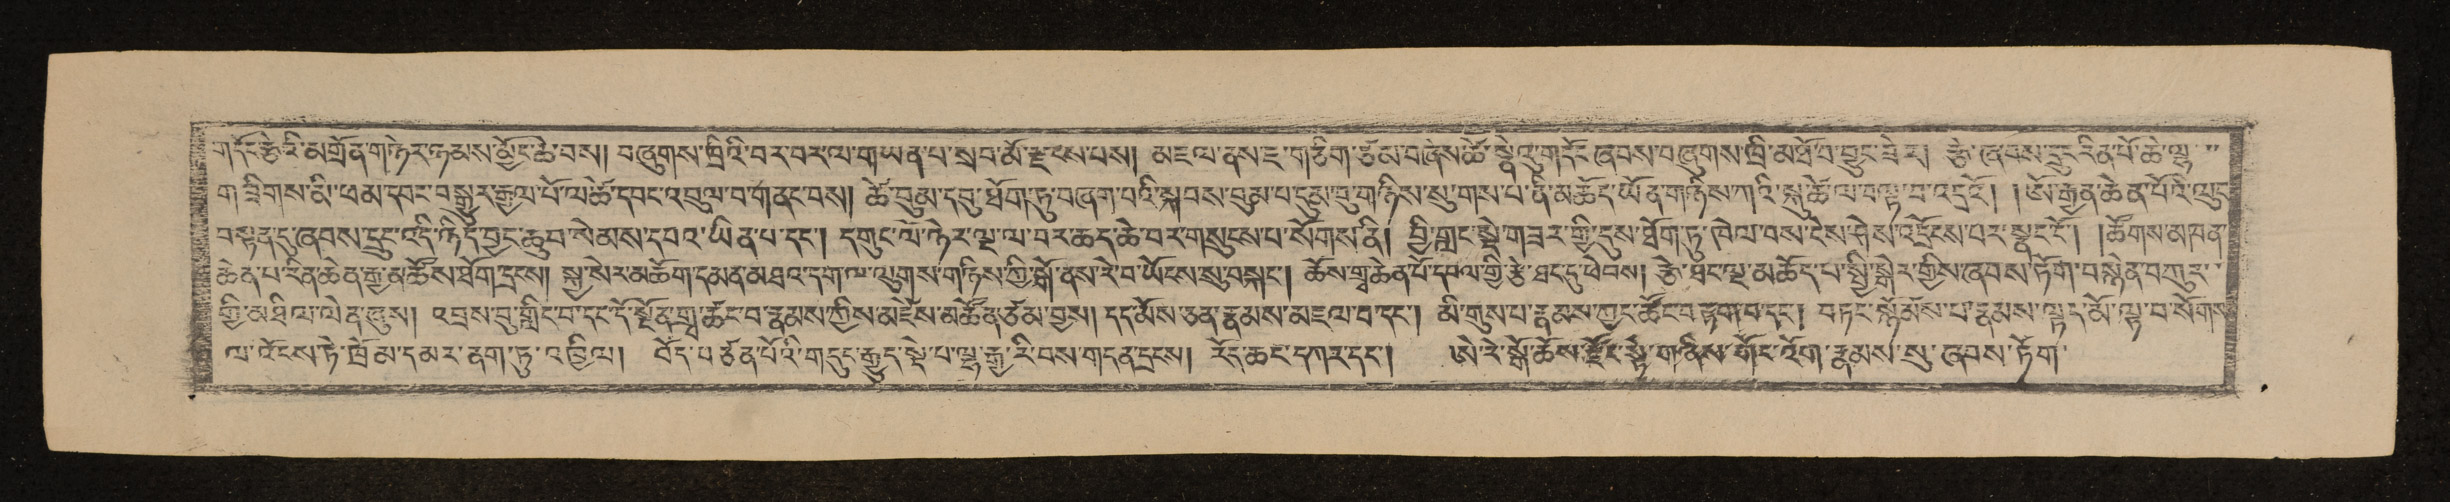ཀྱང་སྣེའུ་གདོང་རྩེའི་མགྲོན་གཉེར་ཉམས་མྱོང་ཆེ་བས། བཞུགས་ཁྲིའི་བར་བར་ལ་གཡན་པ་སྲབ་མོ་རྫངས་པས། མཇལ་ནས་ཇ་གཅིག་ཙམ་བཞེས་ཚེ་སྣེའུ་གདོང་ཞབས་བཞུགས་ཁྲི་མཐོ་བ་བྱུང་ཟེར། རྩེ་ཞབས་དྲུང་རིན་
པོ་ཆེ་ལྷ་གཟིགས་མི་ཕམ་དབང་བསྒྱུར་རྒྱལ་པོ་ལ་ཚེ་དབང་འབུལ་བ་གནང་བས། ཚེ་བུམ་དབུ་ཐོག་ཏུ་བཞག་པའི་སྐབས་བུམ་པ་དུམ་བུ་གཉིས་སུ་གས་པ་ནི་མཆོད་ཡོན་གཉིས་ཀའི་སྐུ་ཚེ་ལ་བལྟ་བ་འདྲའོ། །ཨོ་རྒྱན་ཆེན་
པོའི་ལུང་བསྟན་དུ་ཞབས་དྲུང་འདི་ཉིད་བྱང་ཆུབ་སེམས་དཔའ་ཡིན་པ་དང་། དགུང་ལོ་ཉེར་ལྔ་ལ་བར་ཆད་ཆེ་བར་གསུངས་པ་སོགས་ནི། བྱི་གླང་སྡེ་གཟར་གྱི་དུས་ཐོག་ཏུ་ཁེལ་བས་ངེས་ཤེས་འདྲོངས་པར་སྣང་ངོ། །ཚོགས་
མཁན་ཆེན་པ་རིན་ཆེན་རྒྱ་མཚོས་ཐོག་དྲངས། སྐྱ་སེར་མཆོད་དམན་མཐའ་དག་ལ་ལུགས་གཉིས་ཀྱི་སྒོ་ནས་རེ་བ་ཡོངས་སུ་བསྐང་། ཆོས་གྲྭ་ཆེན་པོ་དཔལ་གྱི་རྩེ་ཐང་དུ་ཕེབས། རྩེ་ཐང་ལྔ་མཆོད་པ་སྤྱི་སྒེར་གྱིས་ཞབས་
ཏོག་བསྙེན་བཀུར་གྱི་མཐིལ་ལེན་ཞུས། འབྲས་བུ་གླིང་བ་དང་ངོ་སྔོན་གྲྭ་ཚང་པ་རྣམས་ཀྱིས་མཛེས་མཚོན་ཙམ་བྱས། དད་མོས་ཅན་རྣམས་མཇལ་བ་དང་། མི་གུས་པ་རྣམས་ཀྱང་ཚོང་བརྟག་པ་དང་། བཏང་སྙོམས་
པ་རྣམས་ལྟད་མོ་ལྟ་བ་སོགས་ལ་འོངས་ཏེ་ཁྲོམ་དམར་ནག་ཏུ་འཁྱིལ། བོད་བཙན་པོའི་གདུང་རྒྱུད་སྡེ་པ་ལྷ་རྒྱ་རི་བས་གདན་དྲངས། རོང་ཆད་དཀར་དང་། ཨེ་རེ་སྒོ་ཆོས་རྫོང་སྟེ་གཞིས་གོང་འོག་རྣམས་སུ་ཞབས་ཏོག་